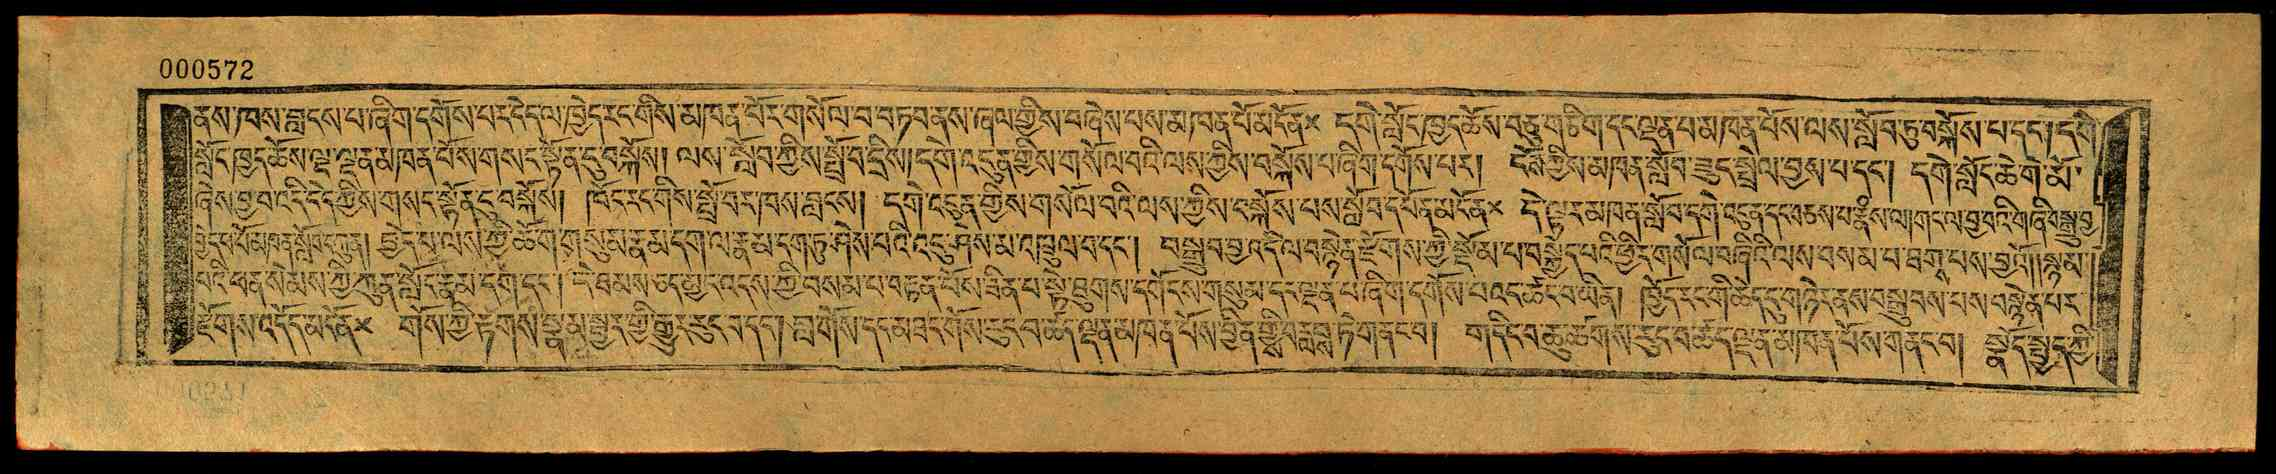ནས་ཁས་བླངས་པ་ཞིག་དགོས་པར་དེད་ལ་ཁྱེད་རང་གིས་མཁན་པོར་གསོལ་བ་བཏབ་ནས་ཞལ་གྱིས་བཞེས་པས་མཁན་པོ་མངོན་྾་དགེ་སློང་ཁྱད་ཆོས་བཅུ་གཅིག་དང་ལྡན་པ་མཁན་པོས་ལས་སློབ་ཏུ་བསྐོས་པ་དང་། དགེ་
སློང་ཁྱད་ཆོས་ལྔ་ལྡན་མཁན་པོས་གསང་སྟོན་དུ་བསྐོས། ལས་སློབ་ཀྱི་སྤྲོ་བ་དྲིས། དགེ་འདུན་གྱིས་གསོལ་བའི་ལས་ཀྱིས་བསྐོས་པ་ཞིག་དགོས་པར། དེང་ཀྱིས་མཁན་སློབ་ཟུང་སྦྲེལ་བྱས་པ་དང་། དགེ་སློང་ཆེ་གེ་མོ་
ཞེས་བྱ་བ་འདི་དེང་ཀྱིས་གསང་སྟོན་དུ་བསྐོས། ཁོང་རང་གིས་སྤྲོ་བར་ཁས་བླངས། དགེ་འདུན་གྱིས་གསོལ་བའི་ལས་ཀྱིས་བསྐོས་པས་སློབ་དཔོན་མངོན་྾་དེ་ལྟར་མཁན་སློབ་དགེ་འདུན་དང་བཅས་པ་རྣམས་ལ། གང་ལ་བྱ་བའི་གཞི་བསྒྲུབ་བྱ་
བྱེད་པ་པོ་མཁན་སློབ་དགེ་འདུན་?་། བྱེད་པ་ལས་ཀྱི་ཆོ་ག་གསུམ་རྣམ་དག་ལ་རྣམ་དག་ཏུ་ཤེས་པའི་འདུ་ཤེས་མ་འཁྲུལ་བ་དང་། བསྒྲུབ་བྱ་འདི་ལ་བསྙེན་རྫོགས་ཀྱི་སྡོམ་པ་བསྐྱེད་པའི་ཕྱིར་གསོལ་བཞིའི་ལས་བསམ་པ་ཐག་པས་བྱའོ། །སྙམ་
པའི་ཕན་སེམས་ཀྱི་ཀུན་སློང་རྣམ་དག་དང་། དེ་ཐམས་ཅད་མྱང་འདས་ཀྱི་བསམ་པ་བརྟན་པོས་ཟིན་པ་སྟེ་ཐུགས་དགོངས་གསུམ་དང་ལྡན་པ་ཞིག་དགོས་པའང་ཚང་བ་ཡིན། ཁྱོད་རང་གི་ཆེད་དུ་གཉེར་ནས་བསྒྲུབས་པས་བསྙེན་པར་
རྫོགས་འདོད་མངོན་྾་གོས་ཀྱི་རྟགས་སྣམ་སྦྱར་གྱི་རྒྱུར་རུང་བ་དང་། བླ་གོས་དང་མཐང་གོས་རུང་བ་ཚད་ལྡན་མཁན་པོས་བྱིན་གྱིས་བརླབས་ཏེ་གནང་བ། གདིང་བ་ཆུ་ཚངས་རུང་བ་ཚད་ལྡན་མཁན་པོས་གནང་བ། སྣོད་སྤྱད་ཀྱི་